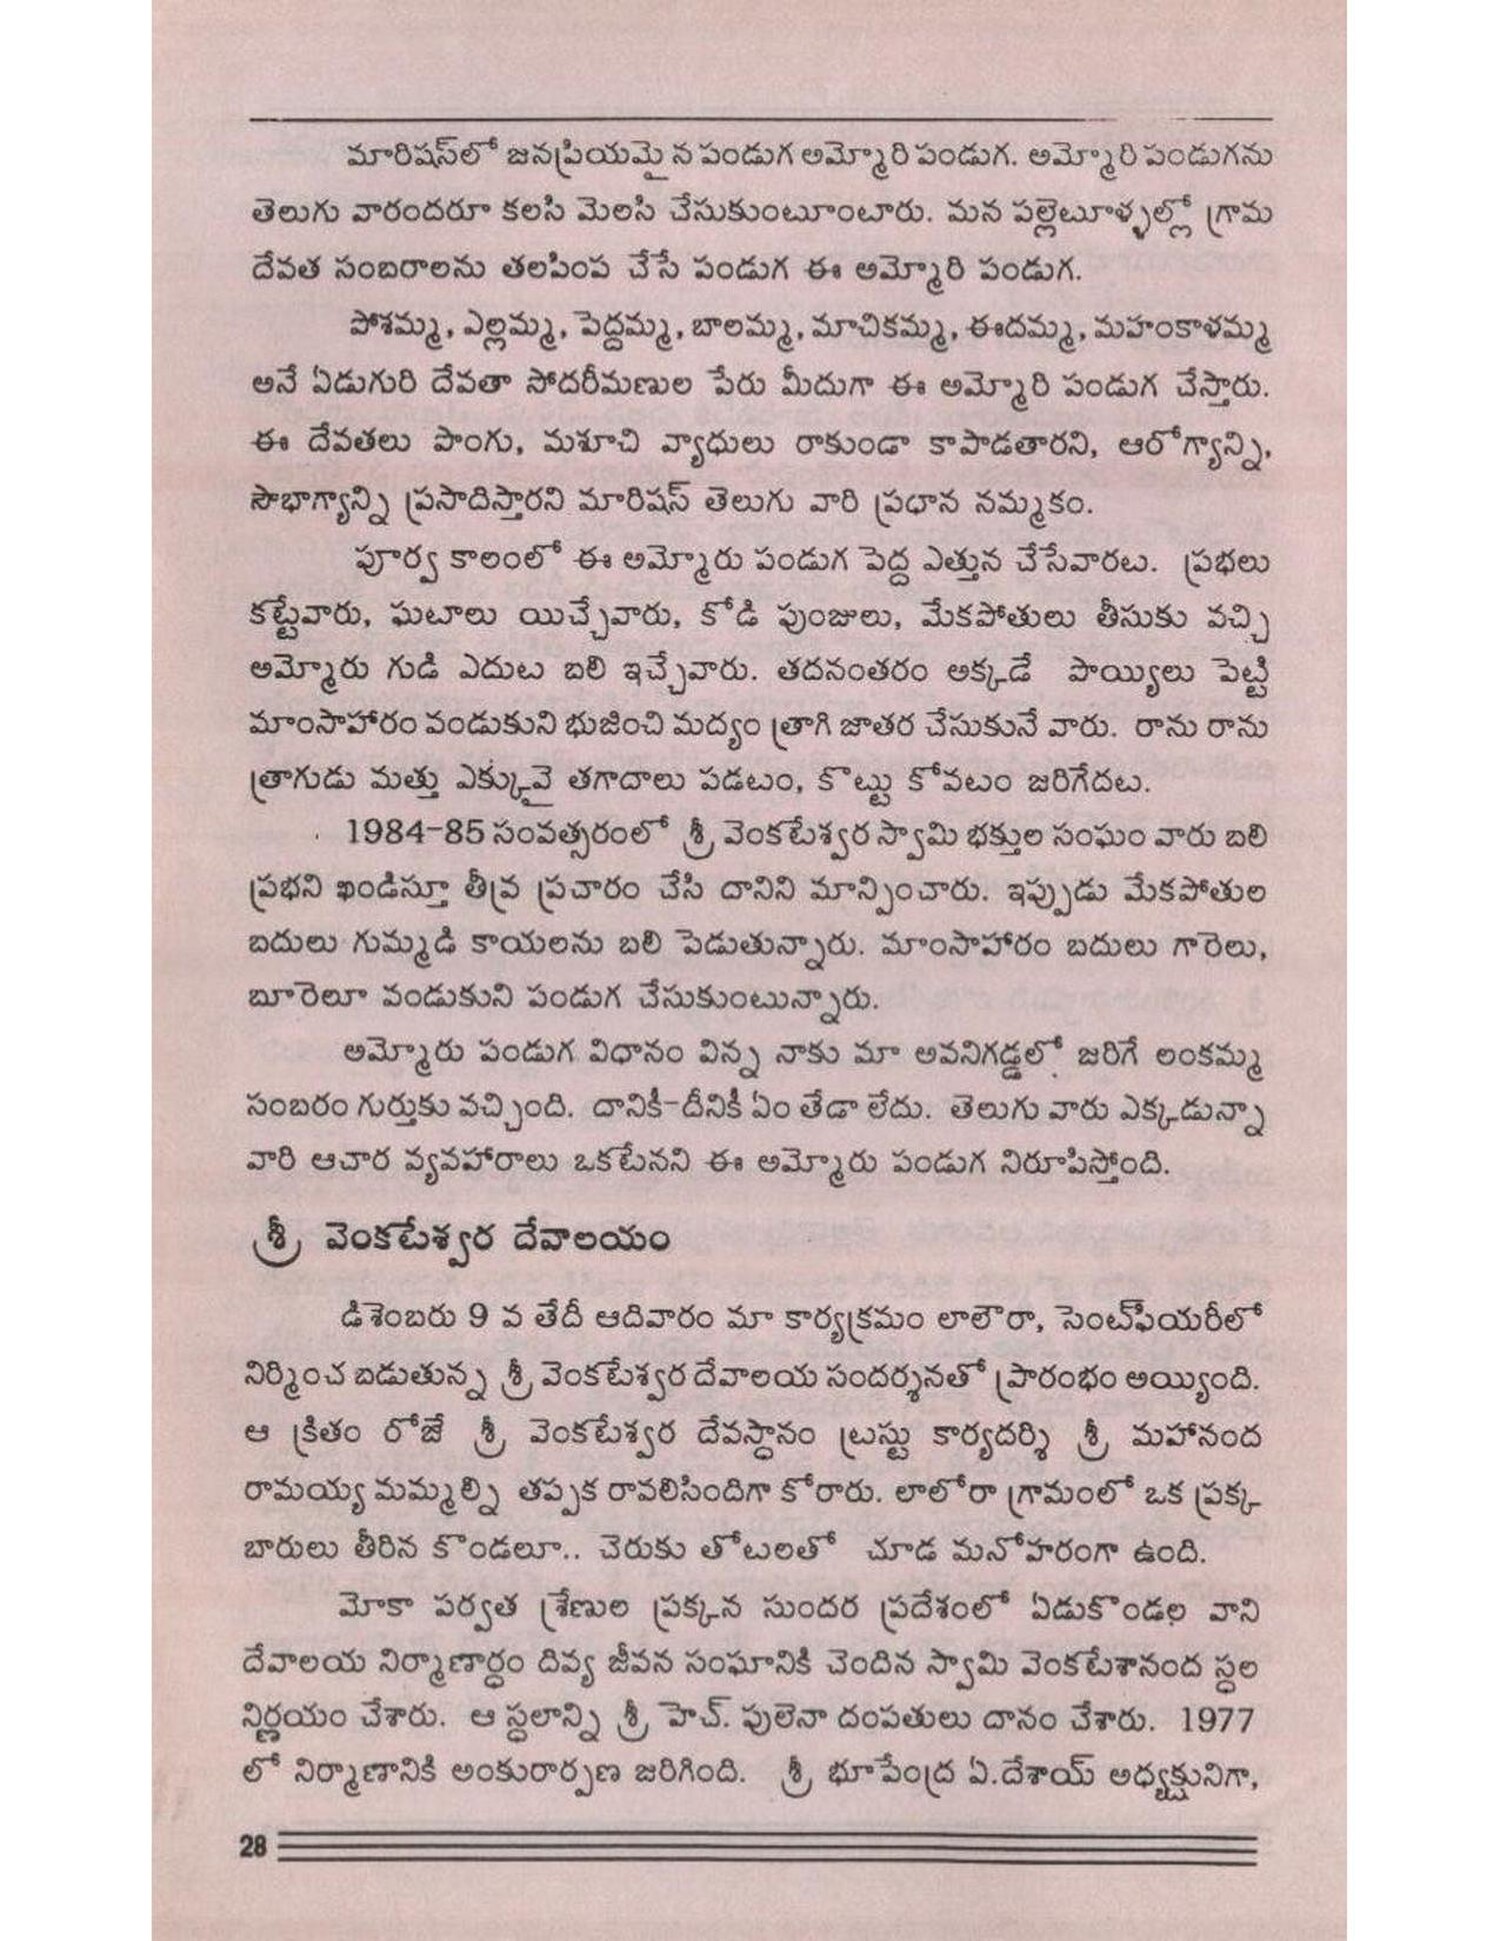మారిషస్‌లో జనప్రియమై న పండుగ అమ్మోరిపండుగ. అమ్మోరి పండుగను
తెలుగు వారందరూ కలసి మెలసి చేసుకుంటూంటారు. మన పల్లెటూళ్ళల్లో గ్రామ దేవత సంబరాలను తలపింప చేసే పండుగ ఈ అమ్మోరి పండుగ.

పోశమ్మ ,ఎల్లమ్మ, పెద్దమ్మ, బాలమ్మ, మాచికమ్మ, ఈదమ్మ, మహంకాళమ్మ అనే ఏడుగురి దేవతా సోదరీమణుల పేరు మీదుగా ఈ అమ్మోరి పండుగ చేస్తారు. ఈ దేవతలు పొంగు, మశూచి వ్యాధులు రాకుండా కాపాడతారని, ఆరోగ్యాన్ని సౌభాగ్యాన్ని ప్రసాదిస్తారని మారిషస్ తెలుగు వారి ప్రధాన నమ్మకం.

పూర్వ కాలంలో ఈ అమ్మోరు పండుగ పెద్ద ఎత్తున చేసేవారట. ప్రభలు కట్టేవారు, ఘటాలు యిచ్చేవారు, కోడి పుంజులు, మేకపోతులు తీసుకు వచ్చి అమ్మోరు గుడి ఎదుట బలి ఇచ్చేవారు. తదనంతరం అక్కడే పొయ్యిలు పెట్టి మాంసాహారం వండుకుని భుజించి మద్యం త్రాగి జాతర చేసుకునే వారు. రాను రాను త్రాగుడు మత్తు ఎక్కువై తగాదాలు పడటం, కొట్టు కోవటం జరిగేదట.

1984-85 సంవత్సరంలో శ్రీ వెంకటేశ్వర స్వామి భక్తుల సంఘం వారు బలి
ప్రభని ఖండిస్తూ తీవ్ర ప్రచారం చేసి దానిని మాన్పించారు. ఇప్పుడు మేకపోతుల బదులు గుమ్మడి కాయలను బలి పెడుతున్నారు. మాంసాహారం బదులు గారెలు, బూరెలూ వండుకుని పండుగ చేసుకుంటున్నారు.

అమ్మోరు పండుగ విధానం విన్న నాకు మా అవనిగడ్డలో జరిగే లంకమ్మ సంబరం గుర్తుకు వచ్చింది. దానికీ-దీనికీ ఏం తేడా లేదు. తెలుగు వారు ఎక్కడున్నా వారి ఆచార వ్యవహారాలు ఒకటేనని ఈ అమ్మోరు పండుగ నిరూపిస్తోంది.

శ్రీ వెంకటేశ్వర దేవాలయం

డిశెంబరు 9 వ తేదీ ఆదివారం మూ కార్యక్రమం లాలెరా, సెంట్‌ఫియరీలో నిర్మించ బడుతున్న శ్రీ వెంకటేశ్వర దేవాలయ సందర్శనతో ప్రారంభం అయ్యింది. ఆ క్రితం రోజే శ్రీ వెంకటేశ్వర దేవస్థానం ట్రస్టు కార్యదర్శి శ్రీ మహానంద రామయ్య మమ్మల్ని తప్పక రావలిసిందిగా కోరారు. లాలోరా గ్రామంలో ఒక ప్రక్క బారులు తీరిన కొండలూ, చెరుకు తోటలతో చూడ మనోహరంగా ఉంది.

మోకా పర్వత శ్రేణుల ప్రక్కన సుందర ప్రదేశంలో ఏడుకొండల వాని దేవాలయ నిర్మాణార్ధం దివ్య జీవన సంఘానికి చెందిన స్వామి వెంకటేశానంద స్థల నిర్ణయం చేశారు. ఆ స్థలాన్ని శ్రీ హెచ్. పులెనా దంపతులు దానం చేశారు. 1977 లో నిర్మాణానికి అంకురార్పణ జరిగింది. శ్రీ భూపేంద్ర ఏ.దేశాయ్ అధ్యక్షునిగా,